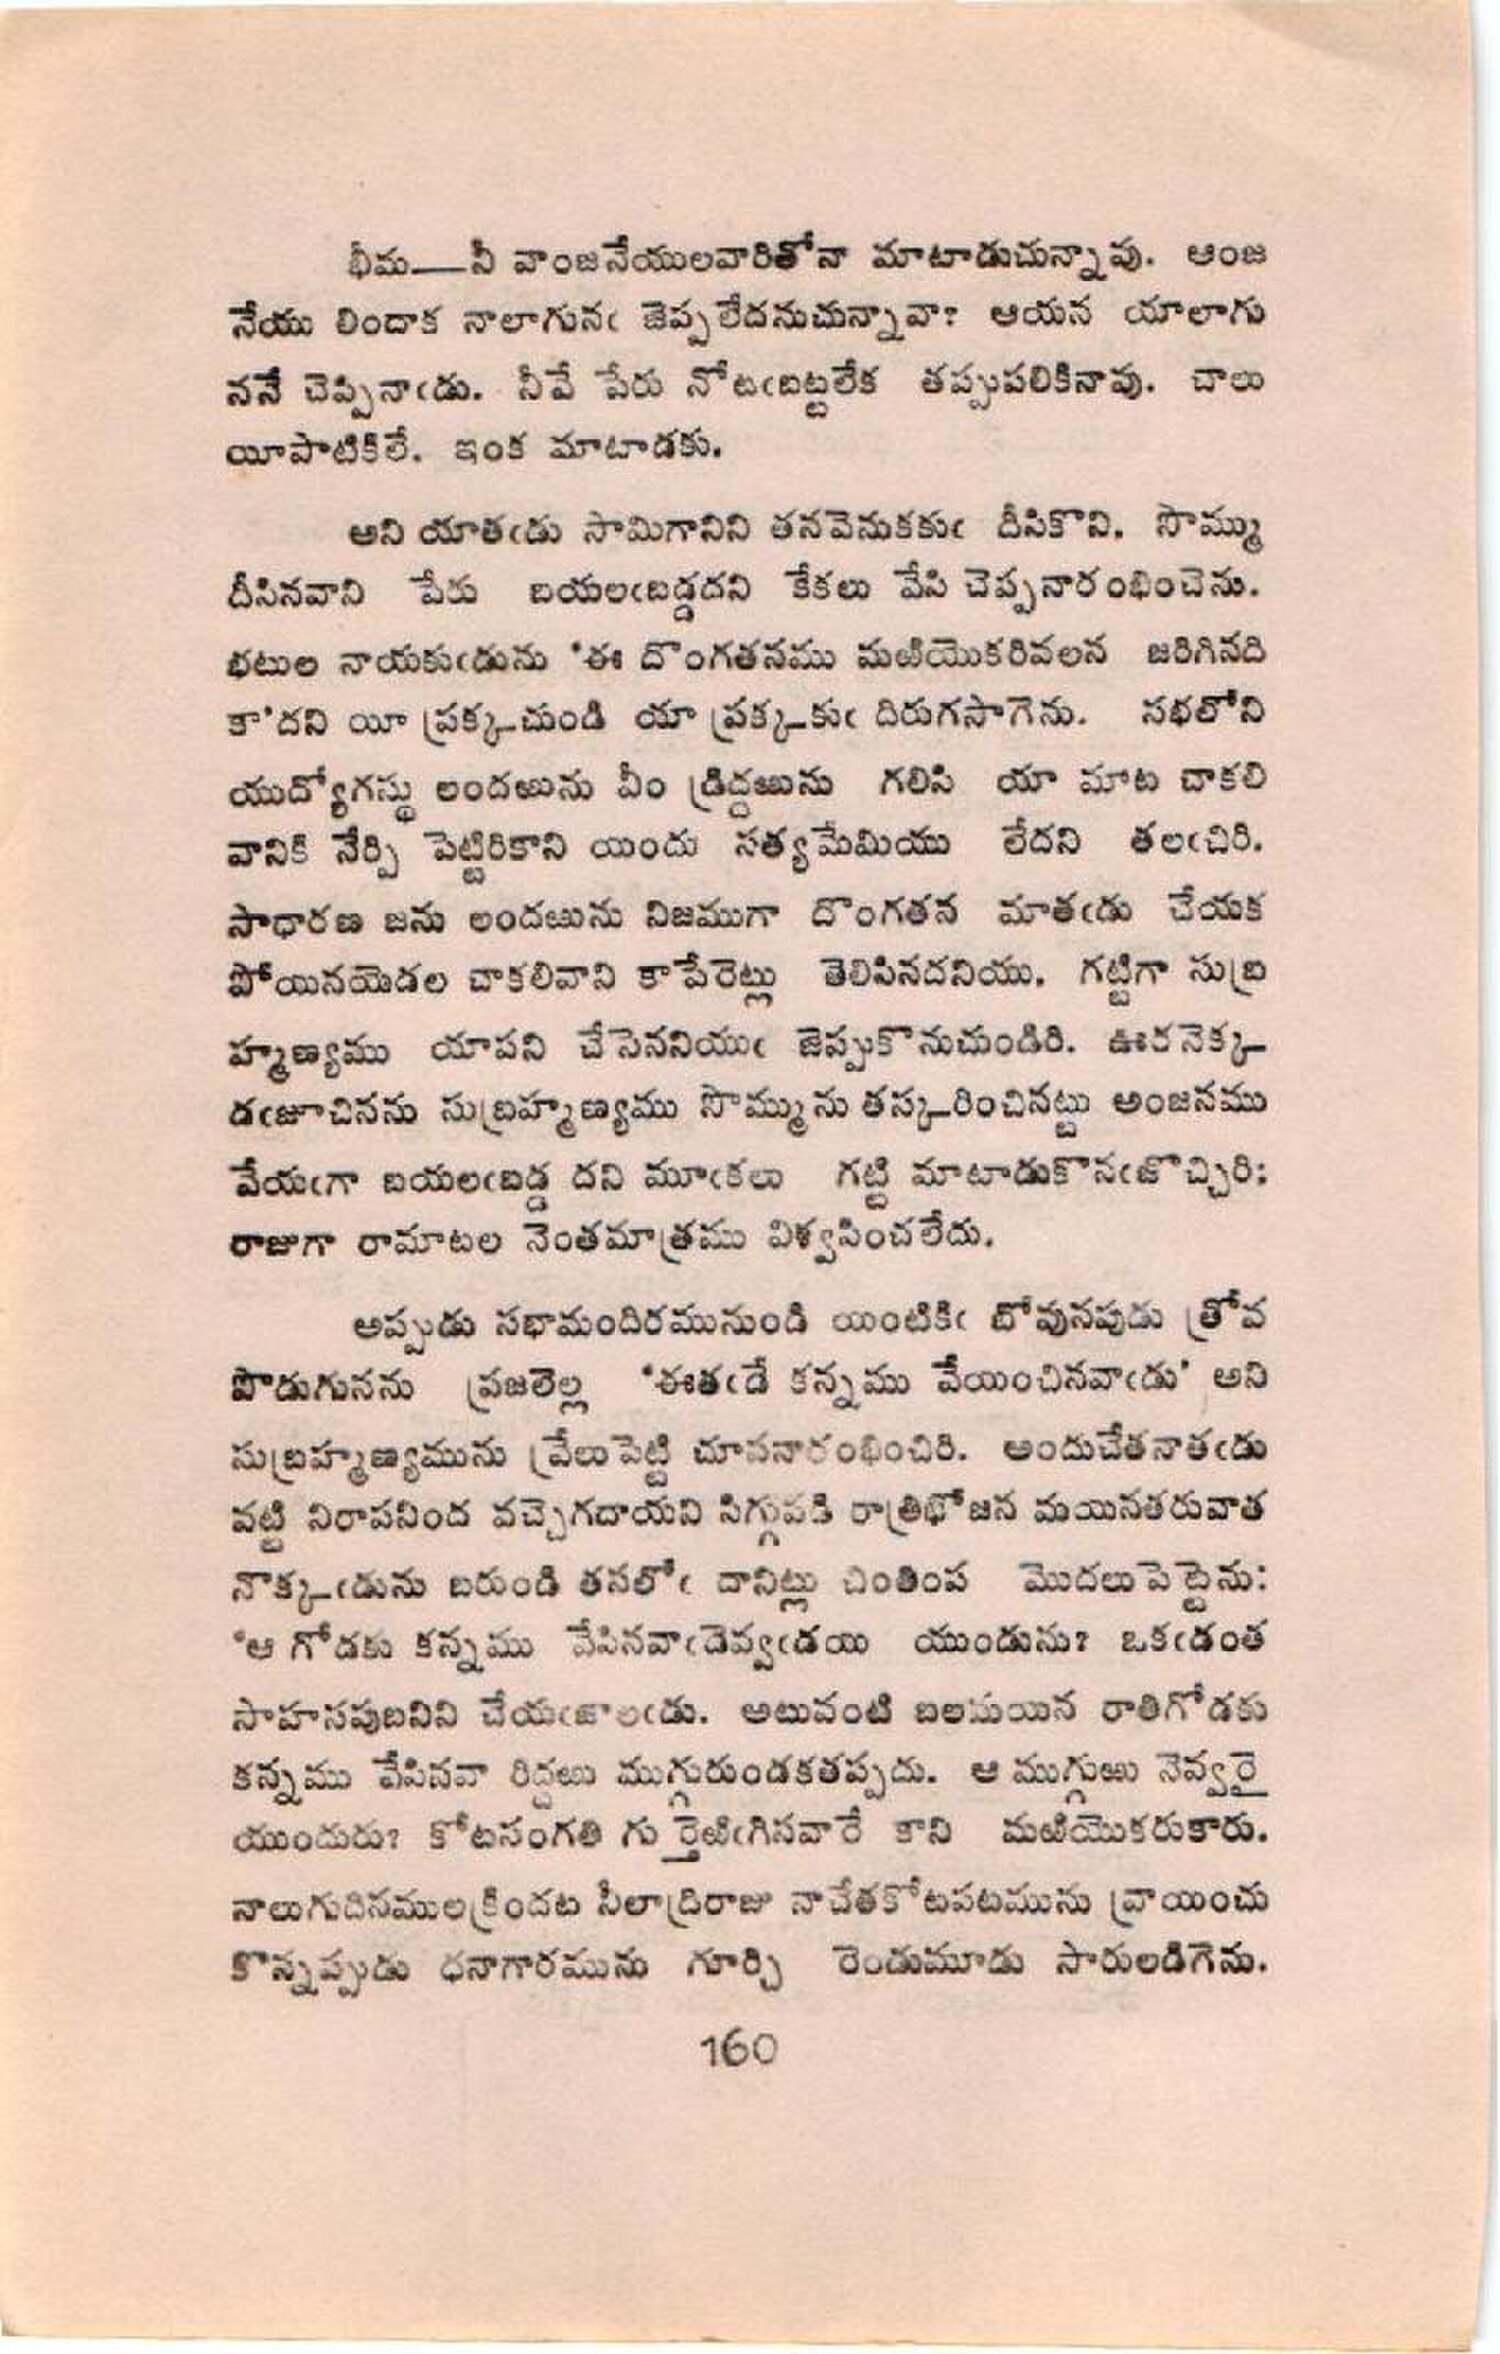భీమ__నీ వాంజనేయులవారితోనా మాటాడుచున్నావు. ఆంజ నేయు లిందాక నాలాగునఁ జెప్పలేదనుచున్నావా? ఆయన యాలాగు ననే చెప్పినాఁడు. నీవే పేరు నోటఁ బట్టలేక తప్పుపలికినావు. చాలు యీపాటికిలే, ఇంక మాటాడకు.

అని యాతడు సామిగానిని తనవెనుకకుఁ దీసికొని, సొమ్ము దీసినవాని పేరు బయలఁబడ్డదని కేకలు వేసి చెప్పనారంభించెను. భటుల నాయకుఁడును 'ఈ దొంగతనము మఱియొకరివలన జరిగినది కాదని యీ ప్రక్కచుండి యా ప్రక్కకుఁ దిరుగసాగెను. సభలోని యుద్యోగస్థు లందఱును వీం డ్రిద్దఱును గలిసి యా మాట చాకలి వానికి నేర్పి పెట్టిరికాని యిందు సత్యమేమియు లేదని తలచిరి. సాధారణ జను లందఱును నిజముగా దొంగతన మాతఁడు చేయక పోయినయెడల చాకలివాని కాపేరెట్లు తెలిసినదనియు, గట్టిగా సుబ్రహ్మణ్యము యాపని చేసెననియుఁ జెప్పుకొనుచుండిరి. ఊరనెక్కడఁజూచినను సుబ్రహ్మణ్యము సొమ్మును తస్కరించినట్టు అంజనము వేయఁగా బయలఁబడ్డ దని మూఁకలు గట్టి మాటాడుకొనఁజొచ్చిరి; రాజుగా రామాటల నెంతమాత్రము విశ్వసించలేదు.

అప్పుడు సభామందిరమునుండి యింటికిఁ బోవునపుడు త్రోవ పొడుగునను ప్రజలెల్ల "ఈతఁడే కన్నము వేయించినవాఁడు" అని సుబ్రహ్మణ్యమును వ్రేలుపెట్టి చూపనారంభించిరి. అందుచేతనాతఁడు వట్టి నిరాపనింద వచ్చెగదాయని సిగ్గుపడి రాత్రిభోజన మయినతరువాత నొక్కఁడును బరుండి తనలో దానిట్లు చింతింప మొదలుపెట్టెను; 'ఆ గోడకు కన్నము చేసినవాఁడెవ్వఁడయి యుండును? ఒకఁడంత సాహసపుబనిని చేయజాలడు. అటువంటి బలమయిన రాతిగోడకు కన్నము వేసినవారిద్దఱు ముగ్గురుండక తప్పదు. ఆ ముగ్గుఱు నెవ్వరై యుందురు? కోట సంగతి గుర్తెఱిగినవారే కాని మఱియొకరుకారు. నాలుగుదినముల క్రిందట నీలాద్రిరాజు నాచేతకోటపటమును వ్రాయించు కొన్న ప్పుడు ధనాగారమును గూర్చి రెండుమూడు సారులడిగెను.